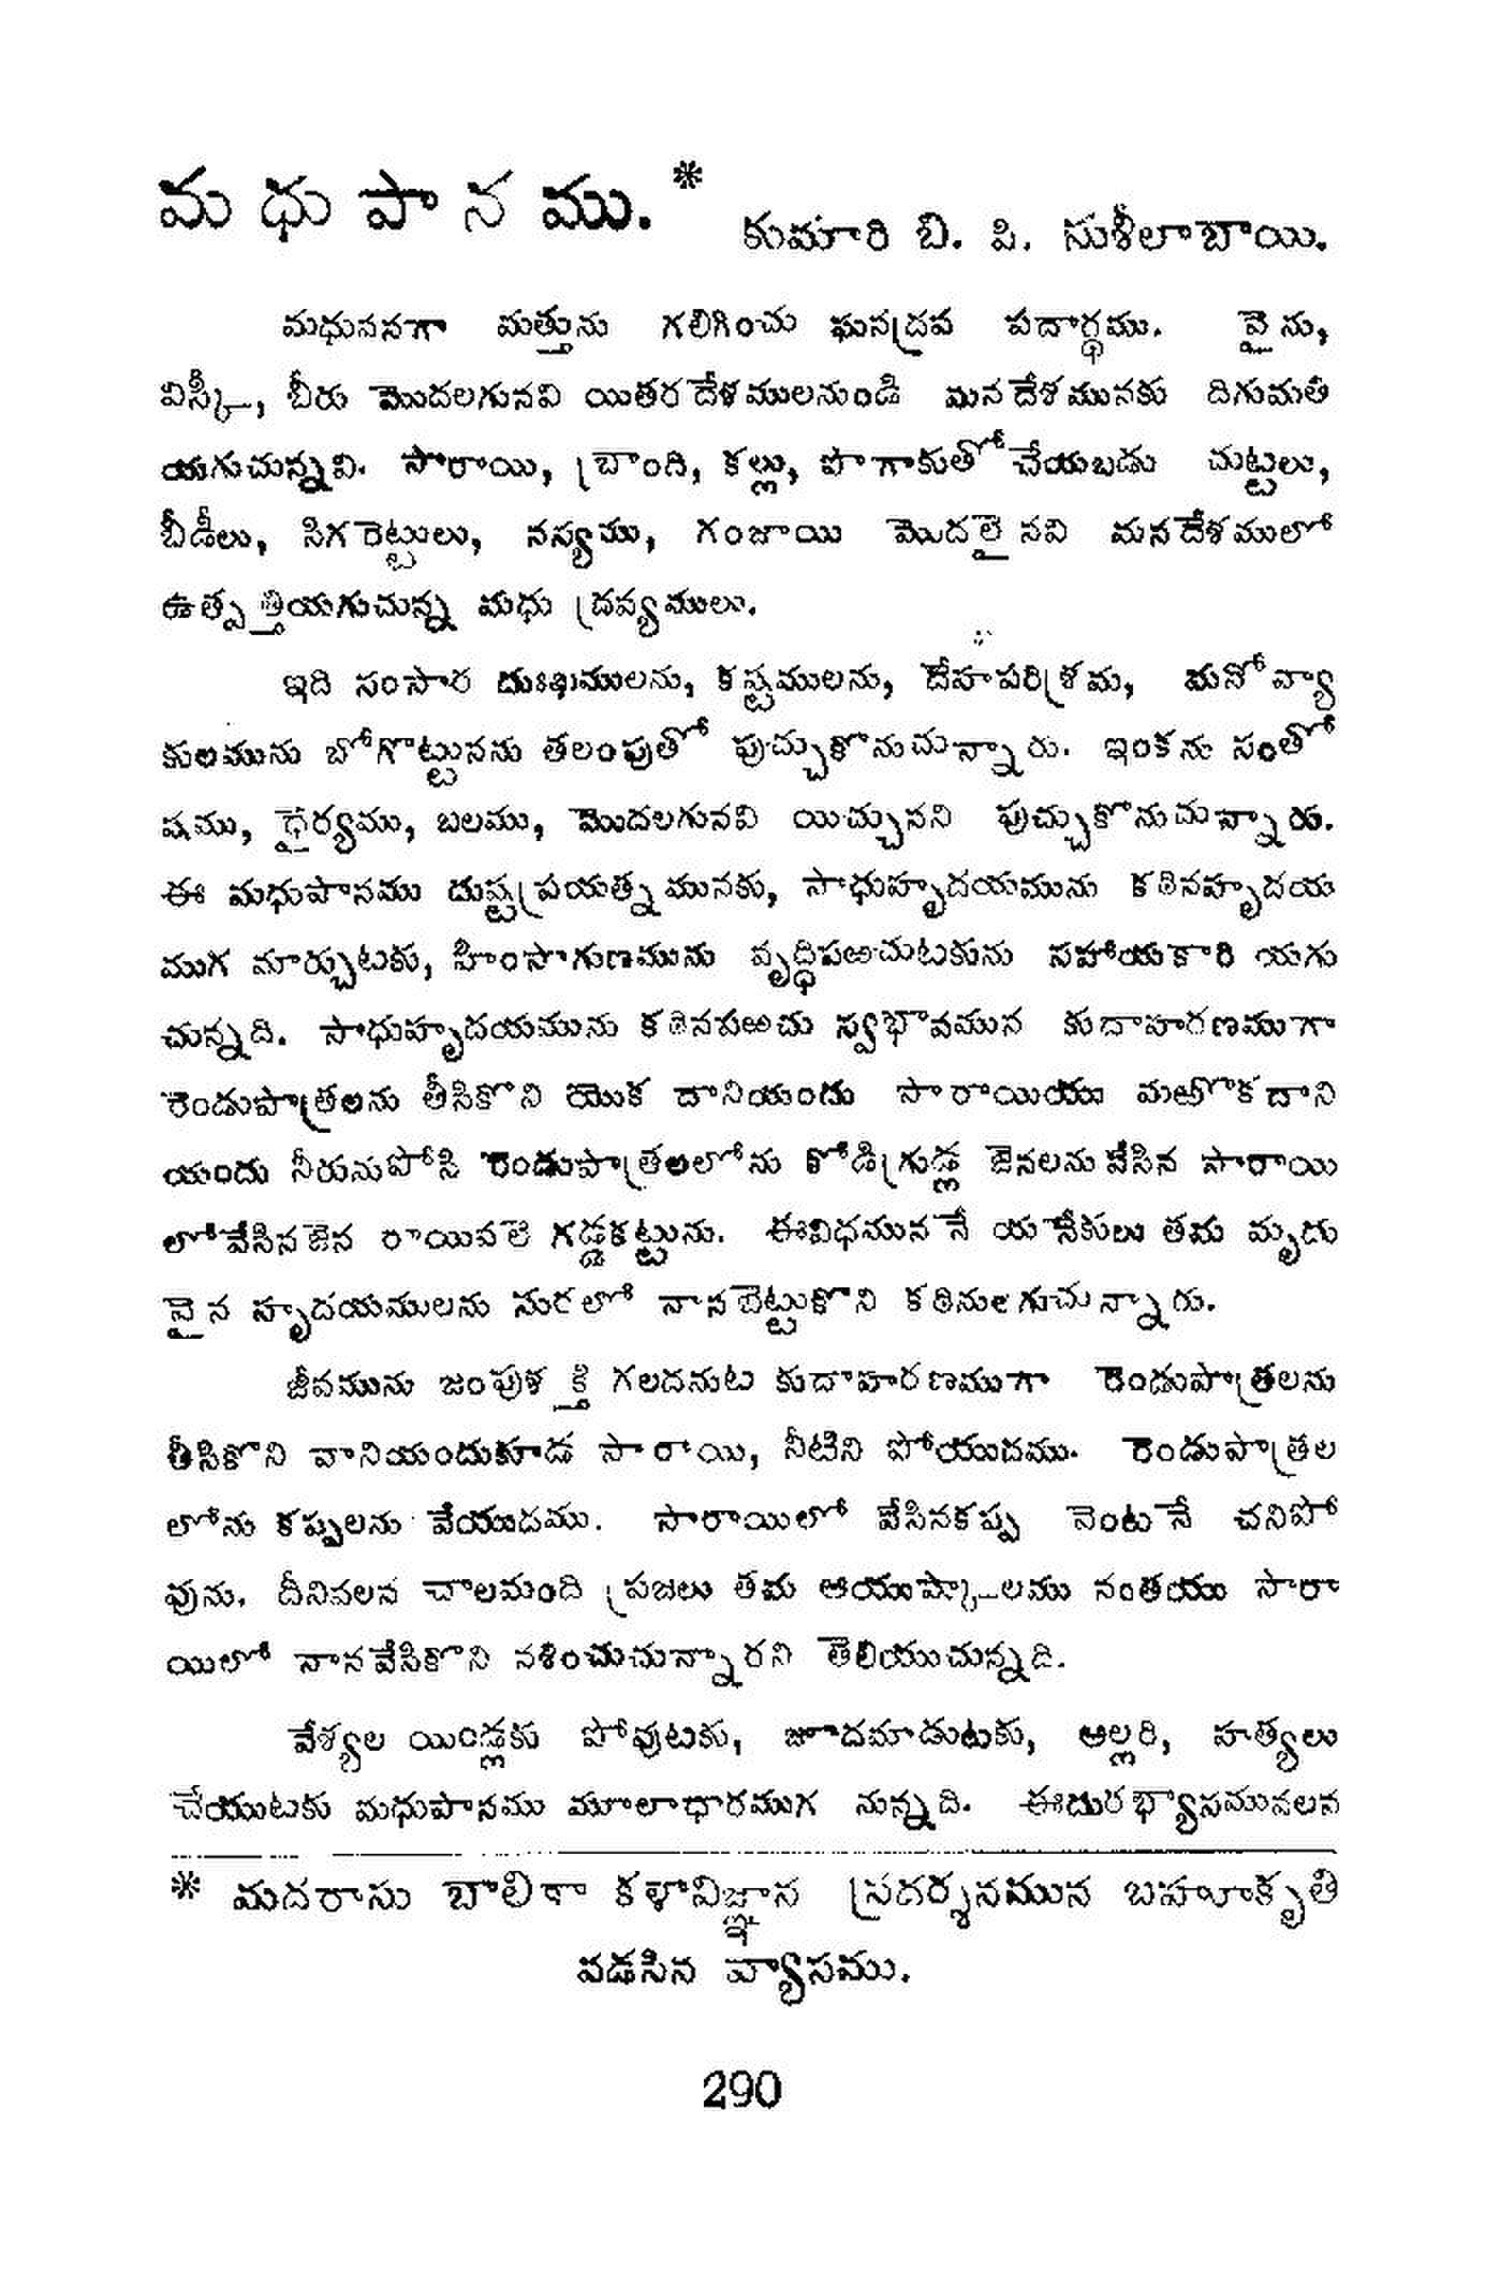మధుపానము.* 

 
మధువనగా మత్తును గలిగించు ఘనద్రవ పదార్ధము. వైను, విస్కీ, బీరు మొదలగునవి యితరదేశములనుండి మనదేశమునకు దిగుమతియగుచున్నవి. సారాయి, బ్రాంధి, కల్లు, పొగాకుతో చేయబడు చుట్టలు, బీడీలు, సిగరెట్టులు, నస్యము, గంజాయి మొదలైనవి మనదేశములో ఉత్పత్తియగుచున్న మధు ద్రవ్యములు.
 
ఇది సంసార దు:ఖములను, కష్టములను, దేహపరిశ్రమను, మనోవ్యాకుల మును బోగొట్టునను తలంపుతో పుచ్చుకొనుచున్నారు. ఇంకను సంతోషము, ధైర్యము, బలము, మొదలగునవి యిచ్చునని పుచ్చుకొనుచున్నారు. ఈ మధు పానము దుష్టప్రయత్నమునకు, సాధుహృదయమును కఠినహృదయముగ మార్చుటకు, హింసాగుణమును వృద్ధిపఱచుటకును సహాయకారి యగుచున్నది. సాధుహృదయమును కఠినపఱచు స్వభావమున కుదాహరణముగా రెండుపాత్ర లను తీసికొని యొక దానియందు సారాయియు మఱొకదానియందు నీరును పోసి రెండుపాత్రలలోను కోడిగ్రుడ్ల జెనలను వేసిన సారాయిలోవేసినజెన రాయివలె గడ్డకట్టును. ఈవిధముననే యనేకులు తమ మృదువైన హృదయములను సుర లో నానబెట్టుకొని కఠినులగుచున్నారు.
 
జీవమును జంపుశక్తి గలదనుట కుదాహరణముగా రెండుపాత్రలను తీసికొని వానియందుకూడ సారాయి, నీటిని పోయుదము. రెండుపాత్రలలోను కప్పలను వేయుదము. సారాయిలో వేసినకప్ప వెంటనే చనిపోవును. దీనివలన చాల మంది ప్రజలు తమ ఆయుష్కాలము నంతయు సారాయిలో నానవేసికొని నశించుచున్నారని తెలియుచున్నది.
 
వేశ్యల యిండ్లకు పొవుటకు, జూదమాడుటకు, అల్లరి, హత్యలు చేయుటకు మధుపానము మూలాధారముగ నున్నది. ఈదురబ్యాసమువలన